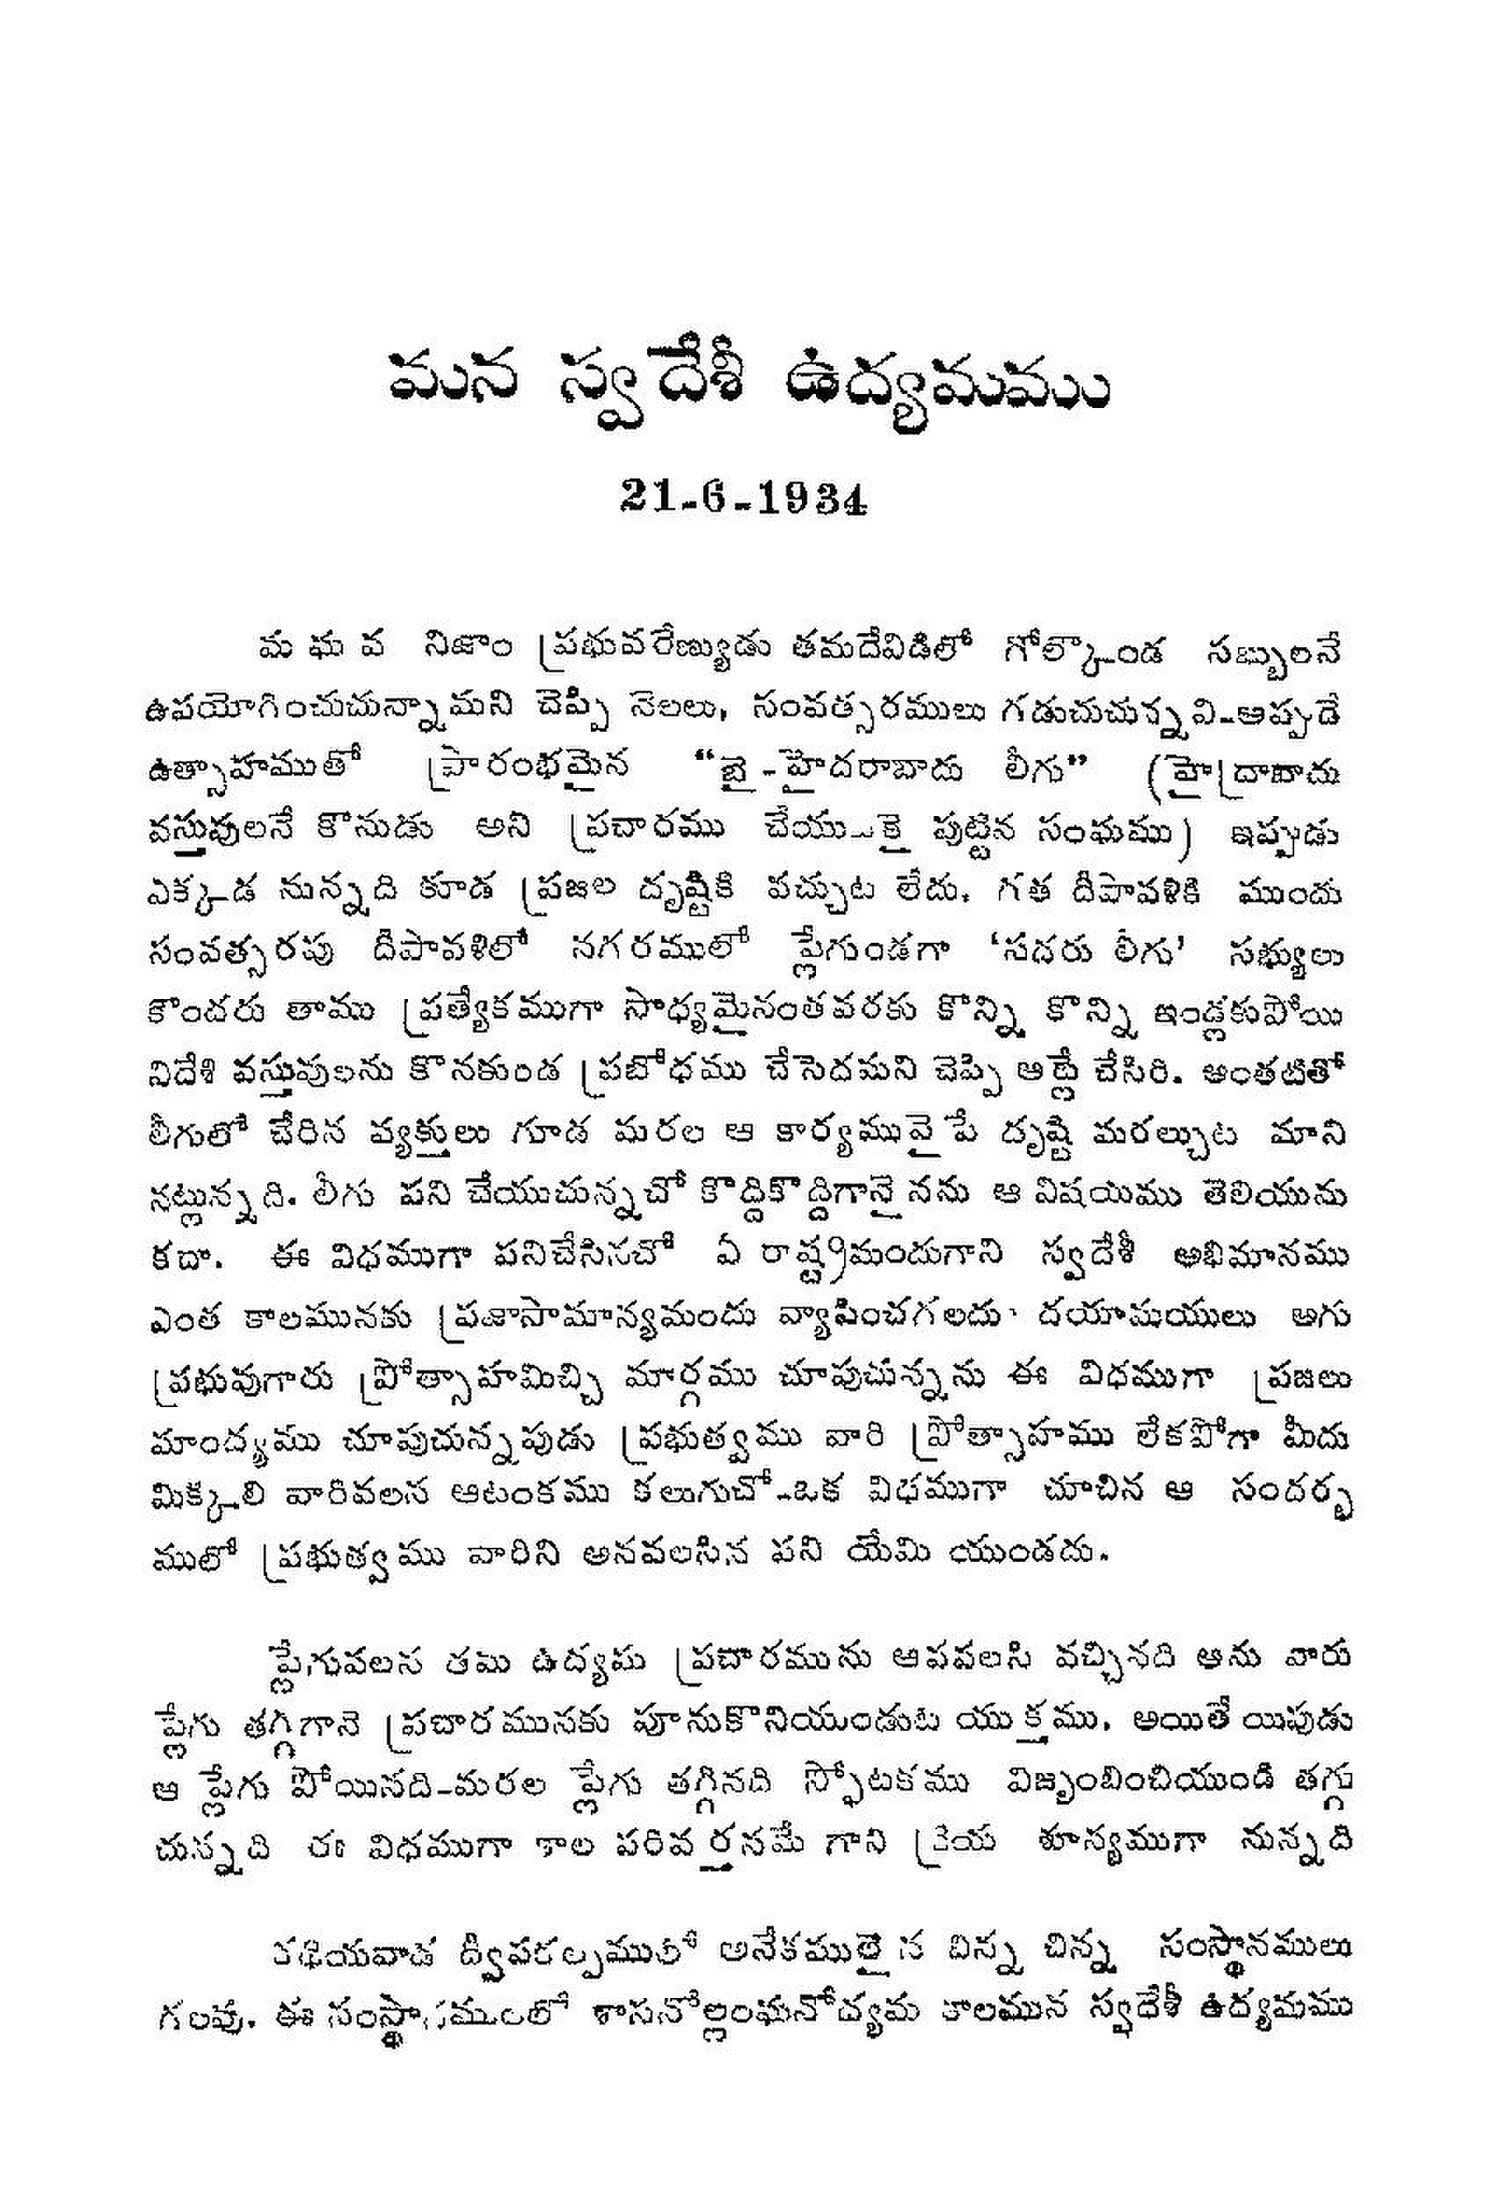మన స్వదేశీ ఉద్యమము

21 - 6 - 1934

మ ఘ వ నిజాం ప్రభువరేణ్యుడు తమదేవిడిలో గోల్కొండ సబ్బులనే ఉపయోగించుచున్నామని చెప్పి నెలలు, సంవత్సరములు గడుచుచున్నవి - అప్పుడే ఉత్సాహముతో ప్రారంభమైన "బై - హైదరాబాదు లీగు" (హైద్రాబాదు వస్తువులనే కొనుడు అని ప్రచారము చేయుటకై పుట్టిన సంఘము) ఇప్పుడు ఎక్కడ నున్నది కూడ ప్రజల దృష్టికి వచ్చుట లేదు. గత దీపావళికి ముందు సంవత్సరపు దీపావళిలో నగరములో ప్లేగుండగా 'సదరు లీగు' సభ్యులు కొందరు తాము ప్రత్యేకముగా సాధ్యమైనంతవరకు కొన్ని కొన్ని ఇండ్లకుపోయి విదేశి వస్తువులను కొనకుండ ప్రబోధము చేసెదమని చెప్పి అట్లే చేసిరి. అంతటితో లీగులో చేరిన వ్యక్తులు గూడ మరల ఆ కార్యమువైపే దృష్టి మరల్చుట మాని నట్లున్నది. లీగు పని చేయుచున్నచో కొద్దికొద్దిగానైనను ఆ విషయము తెలియును కదా. ఈ విధముగా పనిచేసినచో ఏ రాష్ట్రమందుగాని స్వదేశీ అభిమానము ఎంత కాలమునకు ప్రజాసామాన్యమందు వ్యాపించగలదు దయామయులు అగు ప్రభువుగారు ప్రోత్సాహమిచ్చి మార్గము చూపుచున్నను ఈ విధముగా ప్రజలు మాంద్యము చూపుచున్నపుడు ప్రభుత్వము వారి ప్రోత్సాహము లేకపోగా మీదు మిక్కిలి వారివలన ఆటంకము కలుగుచో - ఒక విధముగా చూచిన ఆ సందర్భములో ప్రభుత్వము వారిని అనవలసిన పని యేమి యుండదు.

ప్లేగువలన తమ ఉద్యమ ప్రచారమును ఆపవలసి వచ్చినది అను వారు ప్లేగు తగ్గగానే ప్రచారమునకు పూనుకొనియుండుట యుక్తము. అయితే యిపుడు ఆ ప్లేగు పోయినది-మరల ప్లేగు తగ్గినది స్ఫోటకము విజృంబించియుండి తగ్గుచున్నది ఈ విధముగా కాల పరివర్తనమే గాని క్రియ శూన్యముగా నున్నది

కథియవాడ ద్వీపకల్పములో అనేకములైన చిన్న చిన్న సంస్థానములు గలవు. ఈ సంస్థానములలో శాసనోల్లంఘనోద్యమ కాలమున స్వదేశీ ఉద్యమము